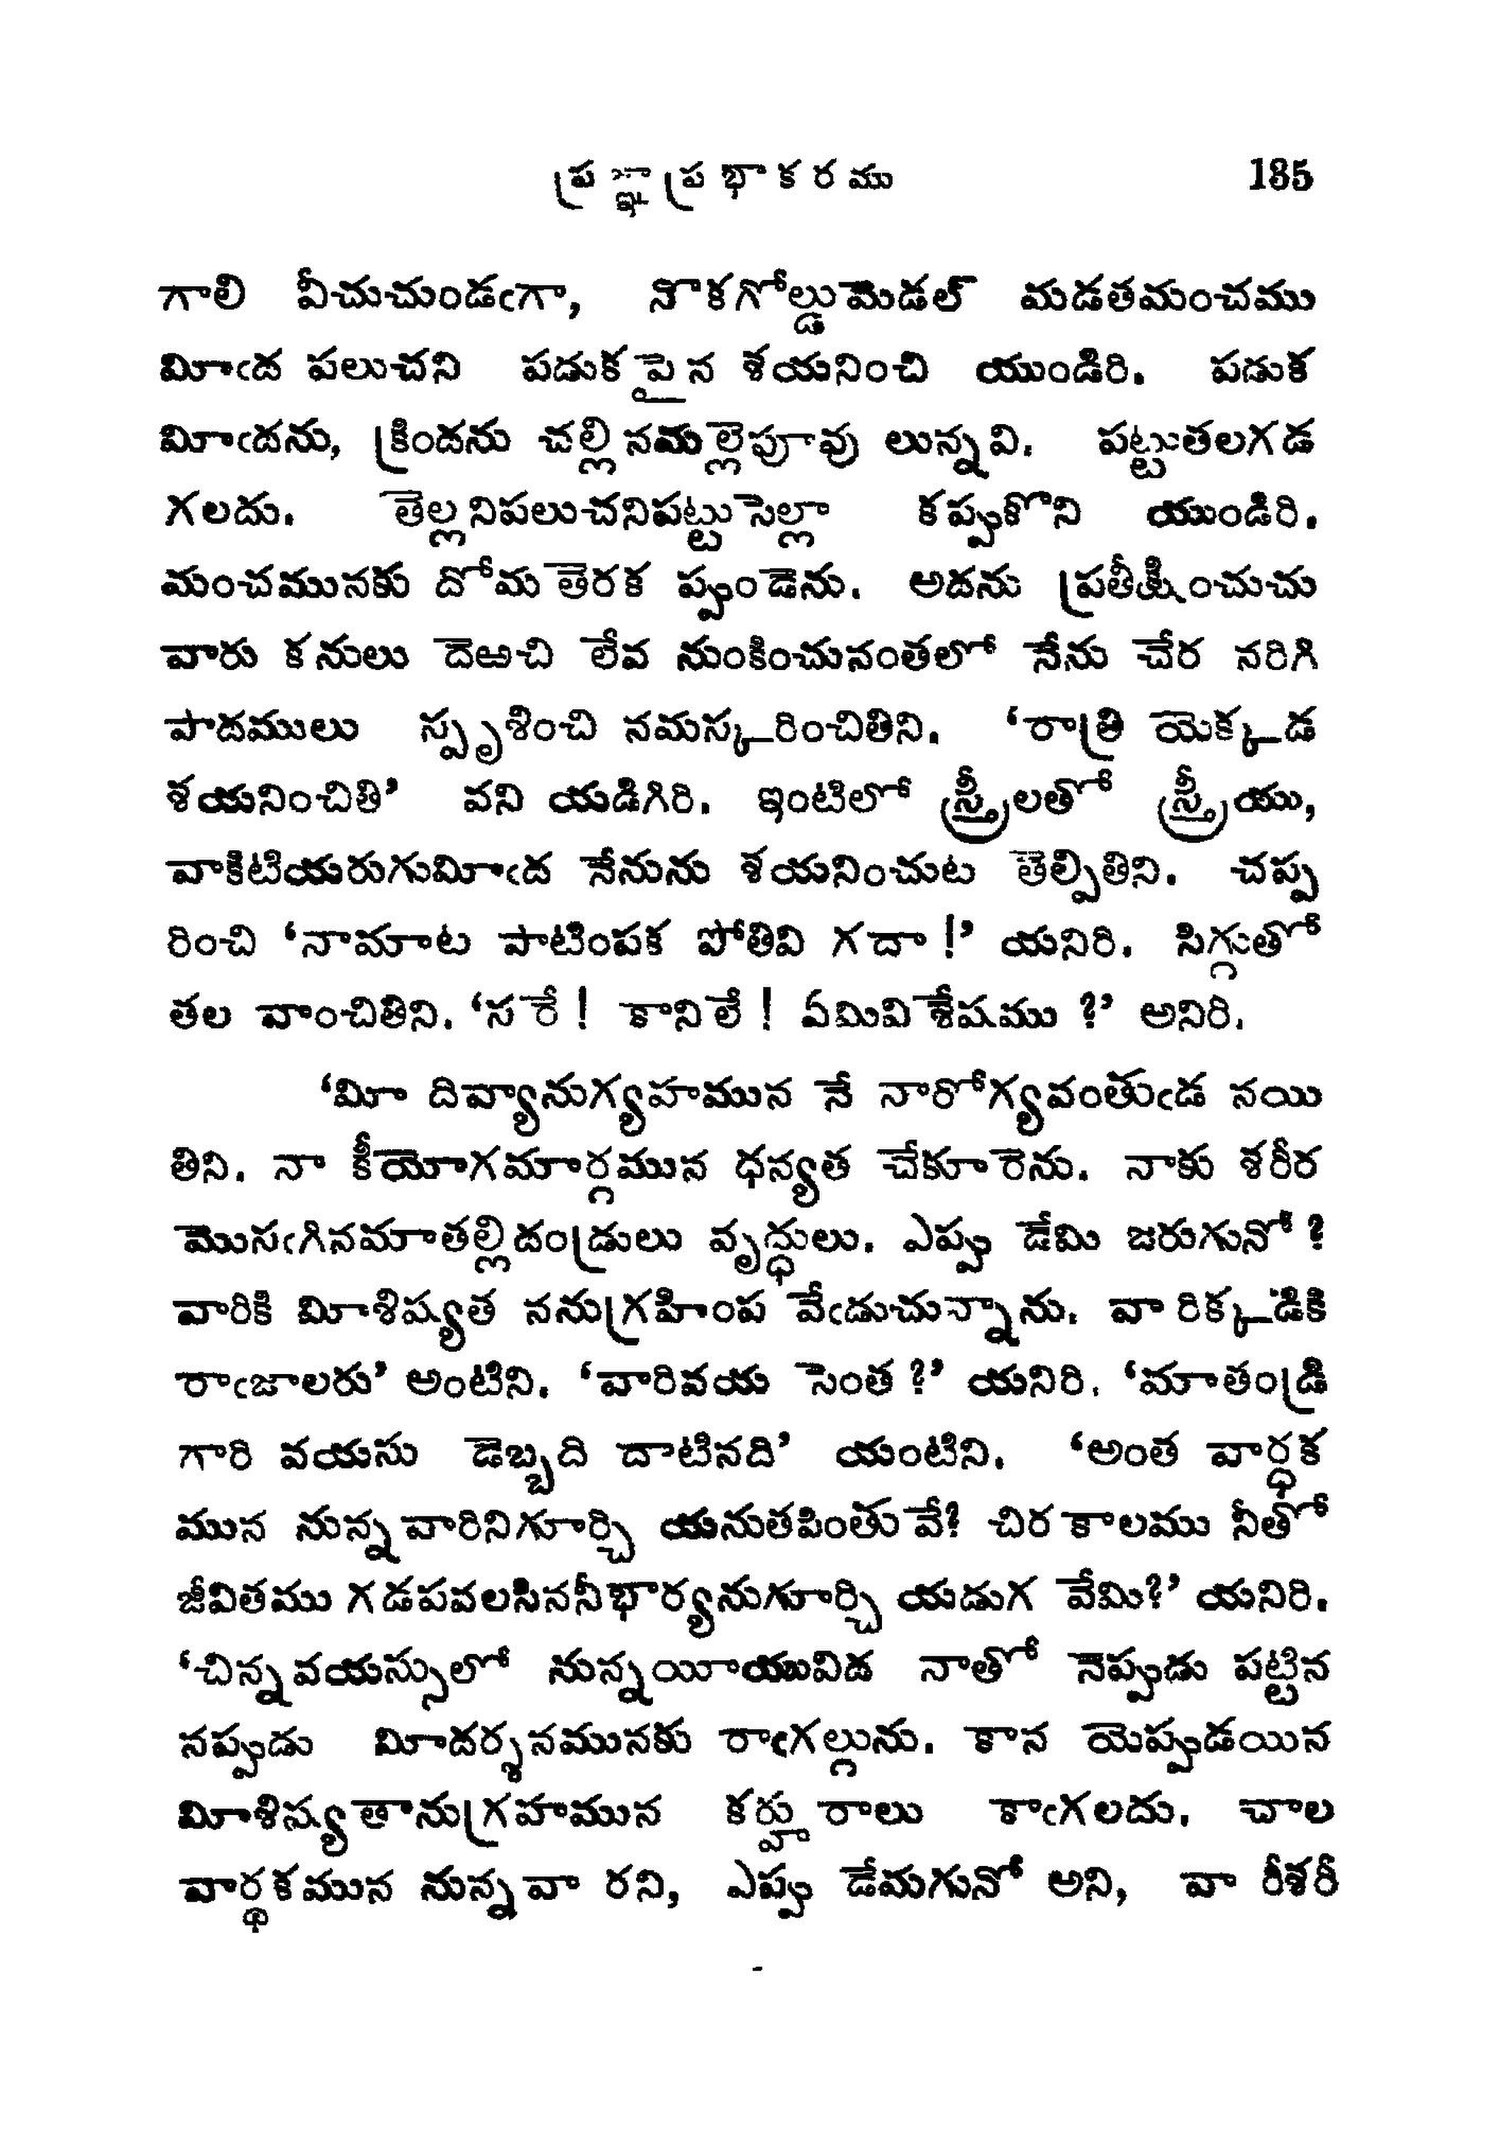గాలి విచుచుండఁ గా, నొక గోల్డు మెడల్ మడత మంచము మిఁద పలుచని పడుక మీదను, క్రిందను చల్లినమల్లెపూవు లున్నవి. పట్టుతలగడ గలదు. తెల్లని పలుచనిపట్టు సెల్లా కప్పుకొని యుండిరి. మంచమునకు దోమ తెరక ప్పుండెను. అదను ప్రతీక్షించుచు వారు కనులు దెఱచి లేవ నుంకించునంతలో నేను చేర నరిగి పాదములు స్పృశించి నమస్కరించి తిని.' రాత్రి యెక్కడ శయనించితి' వని యడిగిరి. ఇంటిలో స్ర్తీలతో స్ర్తీయు, వాకిటియరుగు మిఁద నేనును శయనించుట తెల్పితిని. చప్పరంచి ' నా మాట పాటింపక పోతివి గదా' యనిరి. సిగ్గుతో తల వాంచితిని.' సరే! కానిలే! ఏమి విశేషము ' అనిరి.

' మి దివ్యానుగ్రహమున నే నారోగ్యవంతుఁ డ నయితిని. నా కీయోగమార్గమున ధన్యత చేకూరును. నాకు శరీర మొసఁగిన మాతల్లి దండ్రులు వృద్ధులు. ఎప్పు డేమిజరుగునో? వారికి మిశిష్య తన నుగ్రహింప వేఁడుచున్నాను. వారిక్కడికి రాఁజాలరు' అంటిని.' వారివయసెంత' యనిరి.' మాతండ్రి గారి వయసు డెబ్బది దాటినది'యంటిని.' అంత వార్ధకమున నున్న వారినిగూర్చి యనుతపింతువే? చిరకాలము నీతో జీవితము గడపవలసిన నీభార్యను గూర్చి యడుగ వేమి' యనిరి.' చిన్న వయస్సులో నున్న యీయువిద నాతో నెప్పుడు పట్టిన నప్పుడు మి దర్శనమునకు రాఁ గల్గును. కాన యెప్పుడయిన మీ శిష్యతానుగ్రహమున కర్హురాలు కాఁగలదు. చాల వార్ధకమున నున్నవారని, ఎప్పు డేమగునో అని, వా రీశరీ